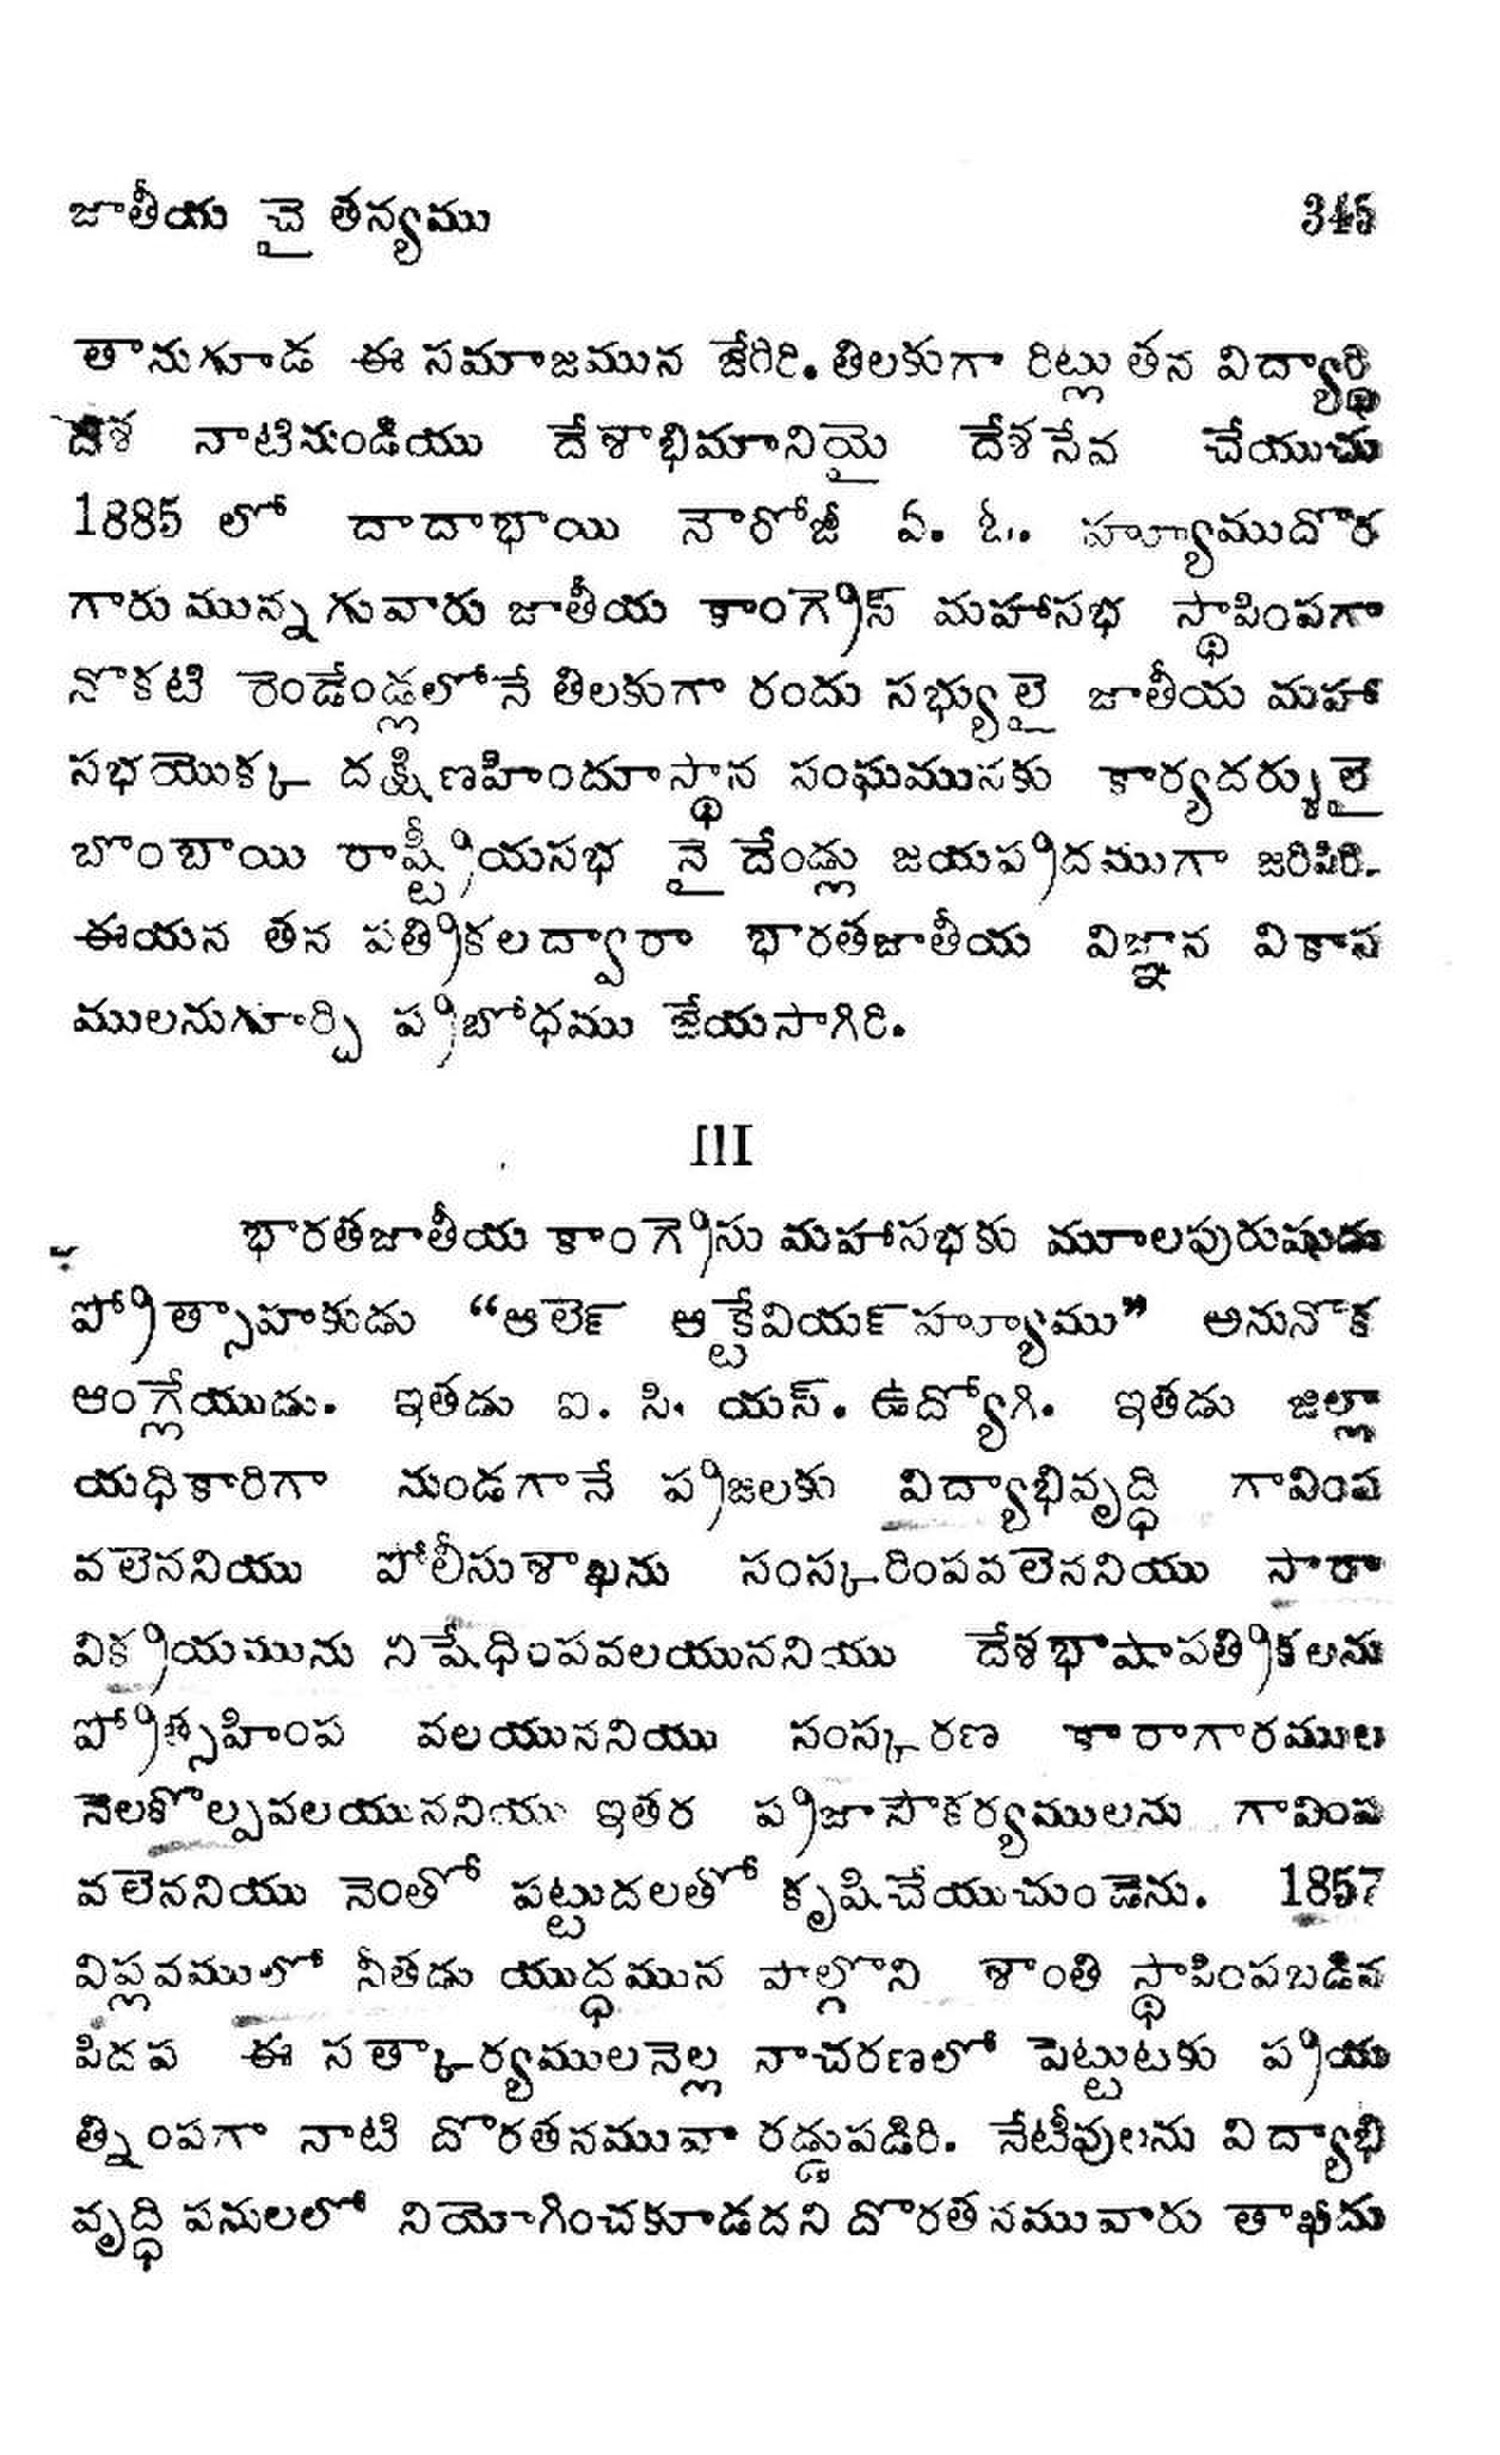తానుగూడ ఈసమాజమున జేరిరి. తిలకుగా రిట్లు తన విద్యార్థి దశ నాటినుండియు దేశాభిమానియై దేశసేవ చేయుచు 1885 లో దాదాభాయి నౌరోజీ ఏ. ఓ.. హ్యూముదొరగారు మున్నగువారు జాతీయ కాంగ్రెస్ మహాసభ స్థాపింపగా నొకటి రెండేండ్లలోనే తిలకుగా రందు సభ్యులై జాతీయ మహాసభయొక్క దక్షిణహిందూస్థాన సంఘమునకు కార్యదర్శులై
బొంబాయి రాష్ట్రీయసభ నైదేండ్లు జయప్రదముగా జరిపిరి. ఈయన తన పత్రికలద్వారా భారతజాతీయ విజ్ఞాన వికాసములనుగూర్చి ప్రబోధము జేయసాగిరి.

III 

భారతజాతీయ కాంగ్రెసు మహాసభకు మూలపురుషుడు ప్రోత్సాహకుడు "ఆలె౯ ఆక్టేవియ౯హ్యూము” అనునొక ఆంగ్లేయుడు. ఇతడు ఐ. సి. యస్. ఉద్యోగి. ఇతడు జిల్లా యధికారిగా నుండగానే ప్రజలకు విద్యాభివృద్ధి గావింప వలెననియు పోలీసుశాఖను సంస్కరింపవలెననియు సారా విక్రయమును నిషేధింపవలయుననియు దేశ భాషాపత్రికలను పోత్సహింప వలయుననియు సంస్కరణ కారాగారముల నెలకొల్పవలయుననియు ఇతర ప్రజాసౌకర్యములను గావింప వలెననియు నెంతో పట్టుదలతో కృషిచేయుచుండెను. 1857 విప్లవములో నీతడు యుద్ధమున పాల్గొని శాంతి స్థాపింపబడిన పిదప ఈ సత్కార్యములనెల్ల నాచరణలో పెట్టుటకు ప్రయత్నింపగా నాటి దొరతనమువా రడ్డుపడిరి. నేటివులను విద్యాభివృద్ధి పనులలో నియోగించకూడదని దొరతనమువారు తాఖీదు